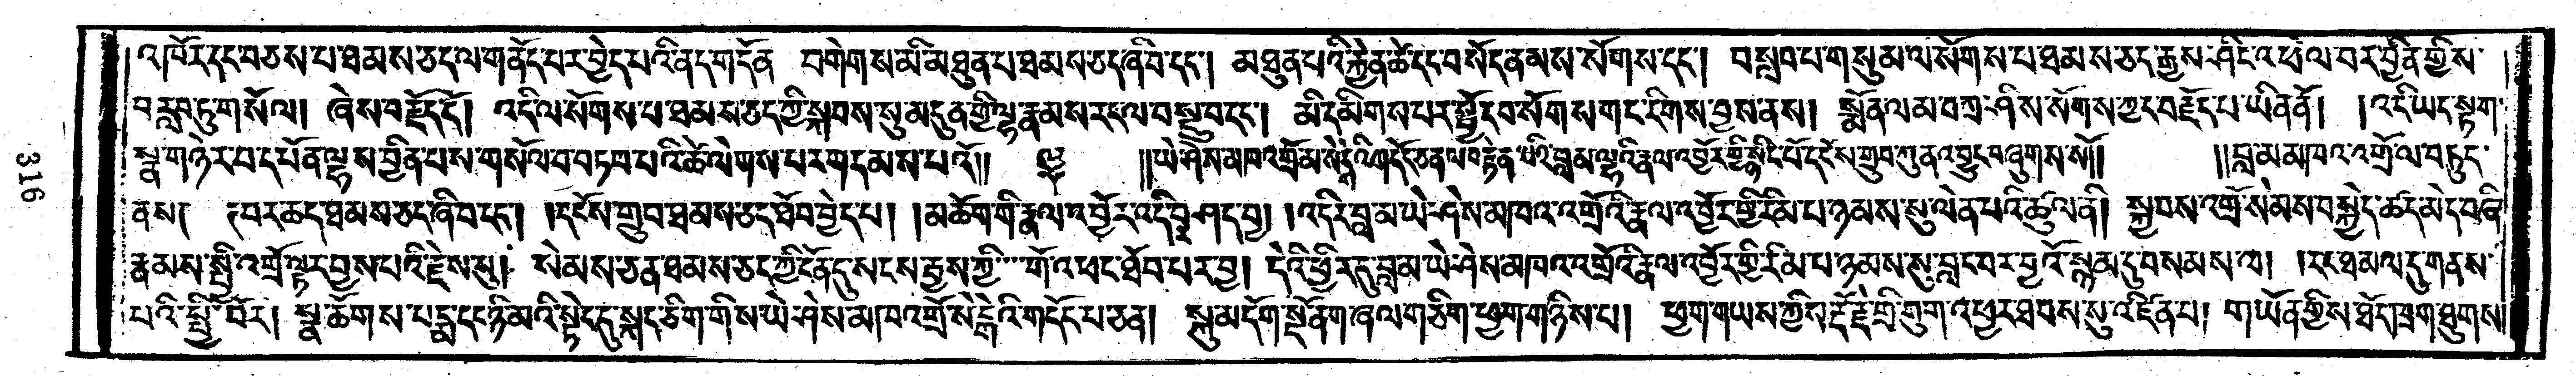འཁོར་དང་བཅས་པ་ཐམས་ཅད་ལ་གནོད་པར་བྱེད་པའི་ནད་གདོན་བགེགས་མི་མཐུན་པ་ཐམས་ཅད་ཞི་བ་དང་། མཐུན་པའི་རྐྱེན་ཚེ་དང་བསོད་ནམས་སོགས་དང་། བསླབ་པ་གསུམ་ལ་སོགས་པ་ཐམས་ཅད་རྒྱས་ཤིང་འཕེལ་བར་བྱིན་གྱིས་
བརླབ་ཏུ་གསོལ། ཞེས་བརྗོད་དོ། འདི་ལ་སོགས་པ་ཐམས་ཅད་ཀྱི་སྐབས་སུ་མདུན་གྱི་ལྷ་རྣམས་རང་ལ་བསྡུ་བ་དང་། མི་དམིགས་པར་སྦྱོད་བ་སོགས་གང་རིགས་བྱས་ནས། སྨོན་ལམ་བཀྲ་ཤིས་སོགས་ཀྱང་བརྗོད་པ་ཡིན་ནོ། །འདི་ཡང་སྟག་
སྣ་གཉེར་པ་དཔོན་ལྷས་བྱིན་པས་གསོལ་བ་བཏབ་པའི་ཚེ་ལེགས་པར་གདམས་པའོ།། ༈ །།ཡེ་ཤེས་མཁའ་གྲོ་མ་སེངྒེའི་གདོང་ཅན་ལ་བརྟེན་པའི་བླ་མ་ལྷའི་རྣལ་འབྱོར་གྱི་སྙིང་པོ་དངོས་གྲུབ་ཀུན་འབྱུང་བཞུགས་སོ།། །།བླ་མ་མཁའ་འགྲོ་ལ་བཏུད་
ནས༑ ༑བར་ཆད་ཐམས་ཅད་ཞི་བ་དང་། །དངོས་གྲུབ་ཐམས་ཅད་ཐོབ་བྱེད་པ། །མཆོག་གི་རྣལ་འབྱོར་འདི་བཤད་བྱ། །འདིར་བླ་མ་ཡེ་ཤེས་མཁའ་འགྲོའི་རྣལ་འབྱོར་གྱི་རིམ་པ་ཉམས་སུ་ལེན་པའི་ཚུལ་ནི། སྐྱབས་འགྲོ་སེམས་བསྐྱེད་ཚད་མེད་བཞི་
རྣམས་སྤྱི་འགྲོ་ལྟར་བྱས་པའི་རྗེས་སུ། སེམས་ཅན་ཐམས་ཅད་ཀྱི་དོན་དུ་སངས་རྒྱས་ཀྱི་གོ་འཕང་ཐོབ་པར་བྱ། དེའི་ཕྱིར་དུ་བླ་མ་ཡེ་ཤེས་མཁའ་འགྲོའི་རྣལ་འབྱོར་གྱི་རིམ་པ་ཉམས་སུ་བླང་བར་བྱའོ་སྙམ་དུ་བསམས་ལ། །རང་ཐ་མལ་དུ་གནས་
པའི་སྤྱི་བོར། སྣ་ཚོགས་པདམ་དང་ཉི་མའི་སྟེང་དུ་སྐད་ཅིག་གིས་ཡེ་ཤེས་མཁའ་གྲོ་སེངྒེའི་གདོང་པ་ཅན། སྐུ་མདོག་སྔོ་ནག་ཞལ་གཅིག་ཕྱག་གཉིས་པ། ཕྱག་གཡས་ཀྱིས་རྡོ་རྗེ་གྲི་གུག་འཕྱར་ཐབས་སུ་འཛིན་པ། གཡོན་གྱིས་ཐོད་ཁྲག་ཐུགས་